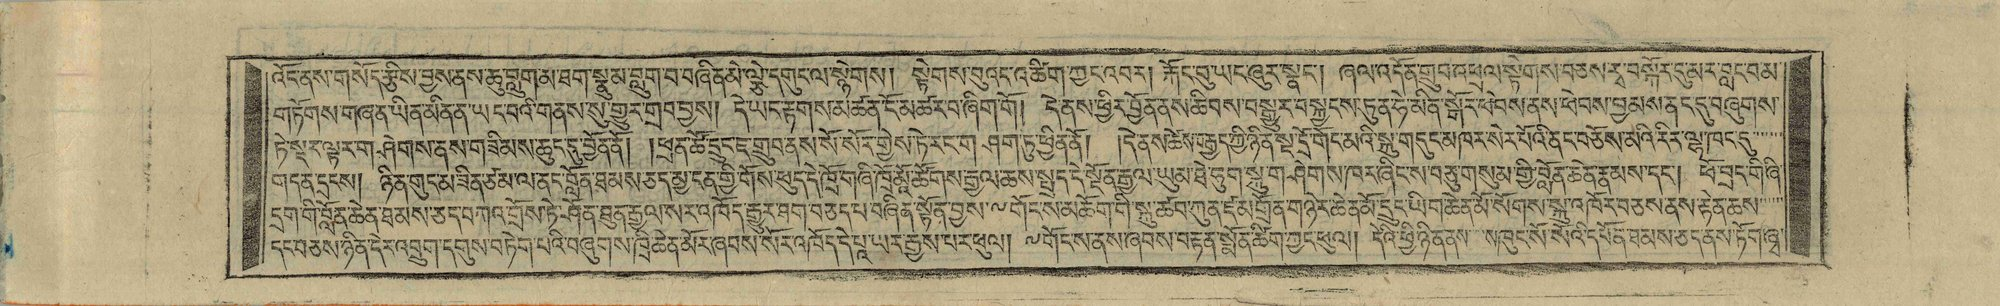འོང་ནས་གསོད་རྩིས་བྱས་ནས་ཆུ་བླུག་མ་ཐག་སྣུམ་བླུག་བ་བཞིན་མེ་ལྕེ་དགུང་ལ་སྙེགས། སྟེགས་བུའང་འཚིག་ཀྱང་འབར། རྐོང་བུ་ཡང་ཞུར་སྣང་། ཞལ་འདོན་གྲུབ་འཕྲལ་སྟེགས་བཅས་རྭ་བསྐོར་དུ་མར་བླང་བ་མ་
གཏོགས་གཞན་ཡིན་མིན་ན་ཡང་བའི་གནས་སུ་གྱུར་གྲབ་བྱས། དེ་ཡང་རྟགས་མཚན་ངོ་མཚར་བ་ཞིག་གོ །དེ་ནས་ཕྱིར་བྱོན་ནས་ཆིབས་བསྒྱུར་བསྐྱངས་ཏུན་ཧེ་མིན་སྒོར་ཕེབས་ནས་ཕེབས་བྱམས་ནང་དུ་བཞུགས་
ཏེ་སྔར་ལྟར་གཤེགས་ནས་གཟིམས་ཆུང་དུ་བྱོན་ནོ། །ཕྲན་ཚོ་དྲུང་ཇ་གྲུབ་ནས་སོ་སོར་གྱེས་ཏེ་རང་གཤག་ཏུ་ཕྱིན་ནོ། །དེ་ནས་ཚེས་བརྒྱད་ཀྱི་ཉིན་སྔ་དྲོ་གོང་མའི་སྐུ་གདུང་མཁར་སེར་པོའི་ནང་བཅོས་མའི་རིར་ལྷ་ཁང་དུ་
གདན་དྲངས། ཉིན་གུང་མ་ཟིན་ཙམ་ལ་ནང་བློན་ཐམས་ཅད་མྱ་ངན་གྱི་གོས་ཕུད་དེ་ཁྲོ་གཞི་ཁྲོ་མO་ཚོགས་རྒྱལ་ཆས་སྤྲད་དེ་སྔོན་རྒྱལ་ཡུམ་ཐེ་ཧུག་སྐུ་གཤེགས་ཁར་ཞིང་ས་བཅུ་གསུམ་གྱི་བློན་ཆེན་རྣམས་དང་། ཕོ་བྲང་གི་ཞི་
དྲག་གི་བློན་ཆེན་ཐམས་ཅད་བཀའ་གྲོས་ཏེ་ཤོན་ཐུན་རྒྱལ་སར་འཁོད་རྒྱུར་ཐག་བཅད་པ་བཞིན་སྟོན་བྱས་༧གོང་ས་མཆོག་གི་སྐུ་ཚབ་ཀུན་ཛ་མགྲོན་གཉེར་ཆེན་མོ་དྲུང་ཡིག་ཆེན་མོ་སོགས་སྐུ་འཁོར་བཅས་ནས་རྟེན་ཆས་
དང་བཅས་ཉིན་དེར་འབྲུག་དགུས་བཏེག་པའི་བཞུགས་ཁྲི་ཆེན་མོར་ཞབས་སོར་འཁོད་དེ་པཱ་ཡར་རྒྱས་པར་ཕུལ། ༧གོང་ས་ནས་ཞབས་བརྟན་སྨོན་ཚིག་ཀྱང་ཕུལ། དེའི་ཕྱི་ཉིན་ནས་ས་ཁུང་སོ་སོའི་དཔོན་ཐམས་ཅད་ནས་ཏོག་ཞྭ་